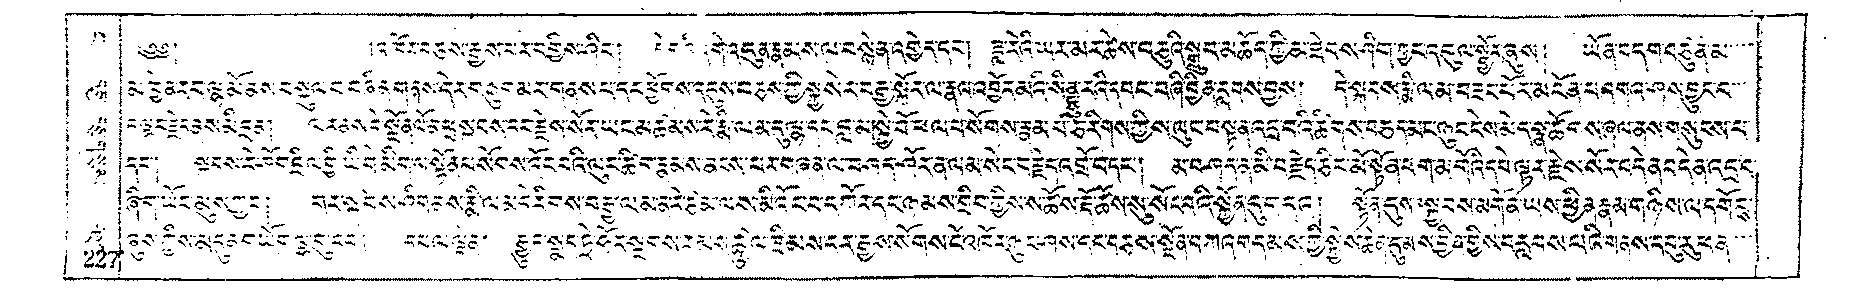༄༅། །འཁོར་བཅས་རྒྱས་པར་བགྱིས་ཤིང་། དེ་གའི་དགེ་འདུན་རྣམས་ལ་བསྙེན་འགྱེད་དང་། ཟླ་རེའི་ཡར་མར་ཚེས་བཅུའི་སྒྲུབ་མཆོད་ཀྱི་མ་ཐེབས་ཤིག་ཀྱང་འབུལ་སྦྱོར་ཞུས། ཡོན་བདག་བཙུན་མ་
མཁྱེན་རབ་ལྷ་མོ་ནས་བསྐུལ་བ་བཞིན་གནས་དེར་གཉུག་མར་གནས་པ་དང་ཕྱོགས་འདུས་བཅས་ཀྱི་སྐྱ་སེར་བརྒྱ་སྐོར་ལ་རྣལ་འབྱོར་མའི་སིནྡྷུ་རའི་དབང་བཞི་བྱིན་རླབས་བྱས། དེ་སྐབས་རྨི་ལམ་བཟང་པོར་མངོན་པ་འགའ་ཤས་བྱུང་བ་
ད་ལྟ་བརྗེད་ནས་མི་དྲན། ལར་ནས་དེ་སྔོན་ལོ་ན་ཕྲ་སྐབས་དང་རྗེས་སོར་ཡང་མཚམས་རེ་རྨི་ལམ་དུ་ལྷ་དང་བླ་མ། སྐྱེ་བོ་ཕལ་པ་སོགས་རྣམ་པ་ཅི་རིགས་ཀྱིས་ལུང་བསྟན་འདྲ་བའི་ཚིགས་བཅད་མང་ཉུང་ངེས་མེད་སྣ་ཚོགས་ཞལ་ནས་གསུངས་པ་
དང་། སྐབས་རེ་ཤོག་དྲིལ་གྱི་ཡི་གེ་མིག་ལ་སྟོན་པ་སོགས་འོང་བའི་ལུང་ཚིག་རྣམས་ནངས་པར་གཞན་ལ་བཤད་ཤོར་ན་ལམ་སེང་བརྗེད་འགྲོ་བ་དང་། མ་བཤད་ན་མི་བརྗེད་ཅིང་མོ་སྟོན་ཕག་མགོའི་དཔེ་ལྟར་རྗེས་སོར་བདེན་བདེན་འདྲ་བ་
ཞིག་ཡོང་མུས་ཀྱང་། བར་སྐབས་ཤིག་ནས་རྨི་ལམ་དེ་རིགས་བརྒྱ་ལམ་ན་རེ་ཙམ་ལས་མི་འོང་བ་དཀོར་དང་ཉམས་གྲིབ་ཀྱིས་ས་ཚོས་རྡོ་ཚོས་སུ་སོང་བའི་སྐྱོན་དུ་གདའ། སྟོན་དུས་༧སྐྱབས་མགོན་ཡས་ཕྱིན་རྣམ་གཉིས་ལ་དགོངས་
ཞུས་ཀྱིས་མདུན་གཡོག་ལྷ་བུ་དང་། དཔལ་ལྡན། རྒྱུད་སྨད་ཏྲེ་ཧོར་སྔགས་རམས་ཚུལ་ཁྲིམས་དར་རྒྱས་སོགས་ངོ་འཁོར་ཉུང་ཤས་དང་བཅས་སྔོན་བཀའ་གདམས་ཀྱི་སྐྱེས་ཆེན་དུ་མས་བྱིན་གྱིས་བརླབས་པའི་གནས་དབུ་རུ་ཕན་